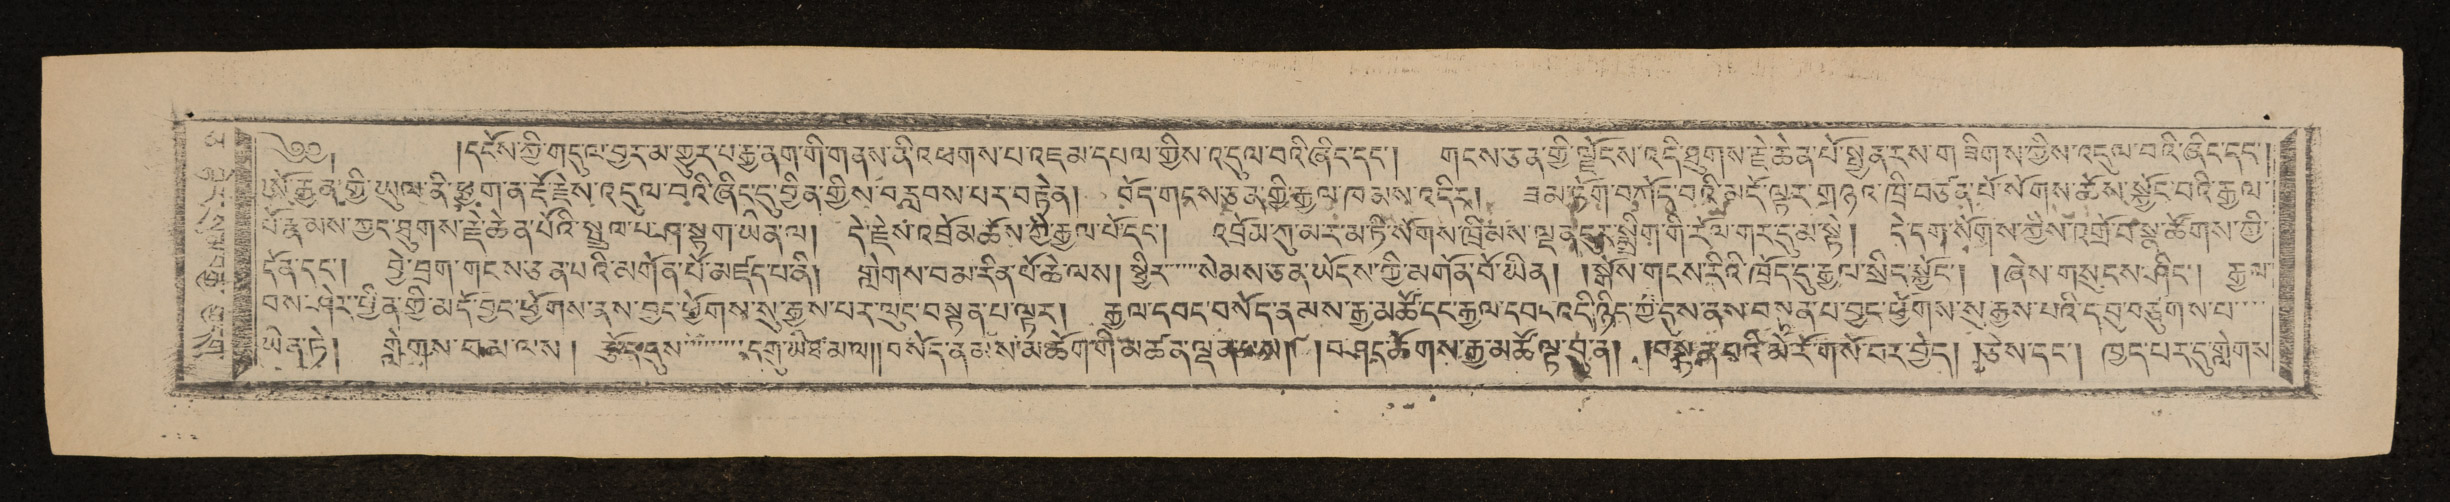༄༅། །དངོས་ཀྱི་གདུལ་བྱར་མ་གྱུར་པ་རྒྱ་ནག་གི་གནས་ནི་འཕགས་པ་འཇམ་དཔལ་གྱིས་འདུལ་བའི་ཞིང་དང་། གངས་ཅན་གྱི་ལྗོངས་འདི་ཐུགས་རྗེ་ཆེན་པོ་སྤྱན་རས་གཟིགས་ཀྱིས་འདུལ་བའི་ཞིང་དང་།
ཨོ་རྒྱན་གྱི་ཡུལ་ནི་ཕྱག་ན་རྡོ་རྗེས་འདུལ་བའི་ཞིང་དུ་བྱིན་གྱིས་བརླབས་པར་བརྟེན། བོད་གངས་ཅན་གྱི་རྒྱལ་ཁམས་འདིར། ཟ་མ་ཏོག་བཀོར་པའི་མདོ་ལྟར་གཉའ་ཁྲི་བཙན་པོ་སོགས་ཆོས་སྐྱོང་བའི་རྒྱལ་
པོ་རྣམས་ཀྱང་ཐུགས་རྗེ་ཆེན་པོའི་སྤྲུལ་པ་ཤ་སྟག་ཡིན་ལ། དེ་རྗེས་འབྲོམ་ཆོས་ཀྱི་རྒྱལ་པོ་དང་། འབྲོམ་ཀུ་མ་ར་མ་ཏི་སོགས་ཁྲིམས་ལྡན་ངུར་སྨྲིག་གི་རོལ་གང་དུ་མ་སྟེ། དེ་དག་སོགས་ཀྱིས་འགྲོ་བ་སྣ་ཚོགས་ཀྱི་
དོན་དང་། བྱེ་བྲག་གངས་ཅན་པའི་མགོན་པོ་མཛད་པ་ནི། གླེགས་བམ་རིན་པོ་ཆེ་ལས། སྤྱིར་སེམས་ཅན་ཡོངས་ཀྱི་མགོན་པོ་ཡིན། །སྒོས་གངས་རིའི་ཁྲོད་དུ་རྒྱལ་སྲིད་སྐྱོང་། །ཞེས་གསུངས་ཤིང་། རྒྱལ་
བས་ཤེར་ཕྱིན་གྱི་མདོ་བྱང་ཕྱོགས་ནས་བྱང་ཕྱོགས་སུ་རྒྱས་པར་ལུང་བསྟན་པ་ལྟར། རྒྱལ་དབང་བསོད་ནམས་རྒྱ་མཚོ་དང་རྒྱལ་དབང་འདི་ཉིད་ཀྱི་དུས་ནས་བསྟན་པ་བྱང་ཕྱོགས་སུ་རྒྱས་པའི་དབུ་བཙུགས་པ་
ཡིན་ཏེ། གླེགས་བམ་ལས། རྩོད་དུས་དགུ་ཡི་ཐ་མ་ལ། །བསོད་ནམས་མཆོག་གི་མཚན་ལྡན་པས། །བཤད་ཚོགས་རྒྱ་མཚོ་ལྟ་བུ་ན། །བསྟན་པའི་མེ་རོ་གསོ་བར་བྱེད། །ཅེས་དང་། ཁྱད་པར་དུ་གླེགས་